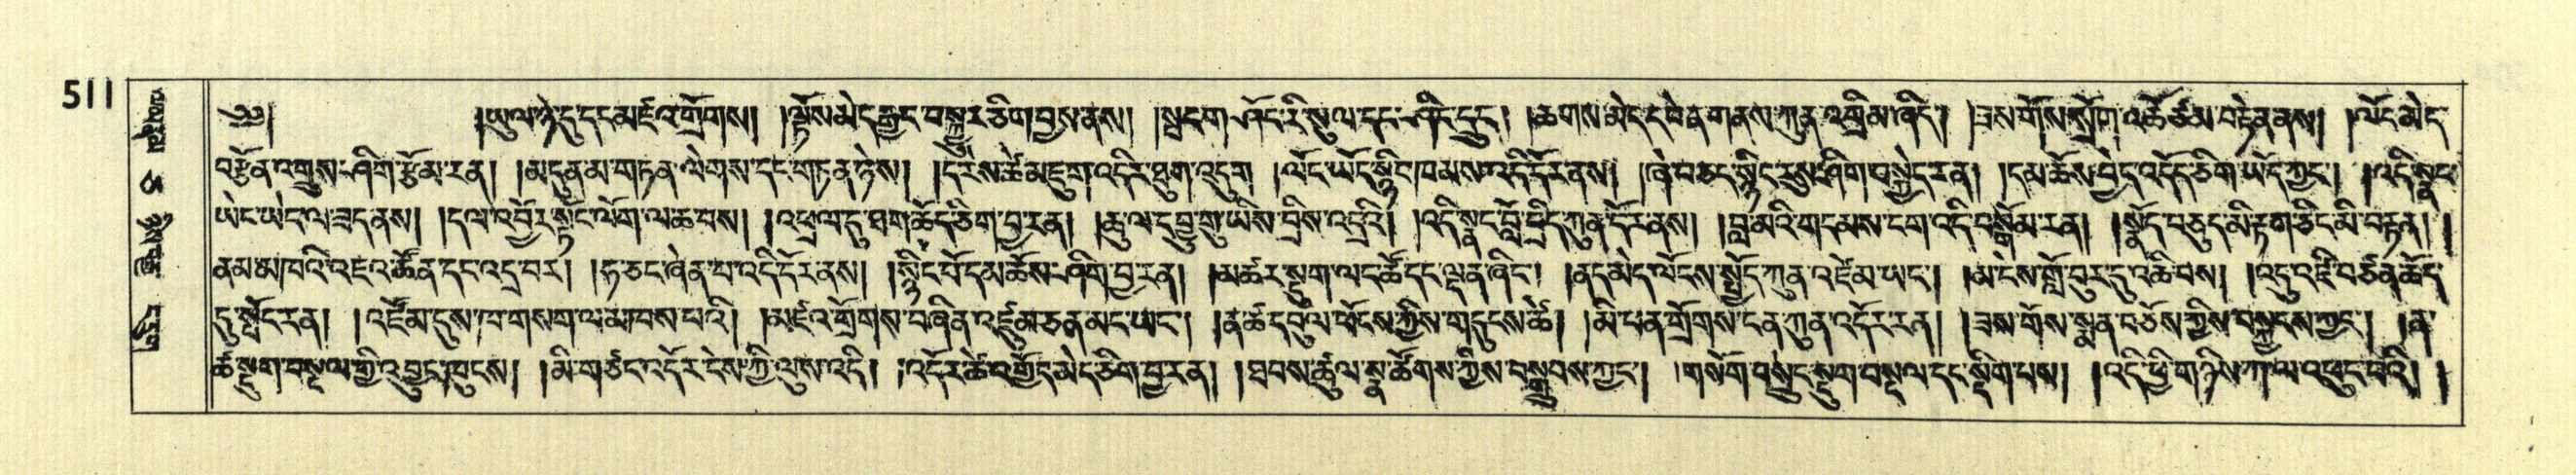༄༅། །ཡུལ་ཉེ་དུ་དང་མཛའ་གྲོགས། །ལྟོས་མེད་རྒྱང་བསྐྱུར་ཅིག་བྱས་ནས། །སྤང་གཤོང་རི་སུལ་དང་ཤིང་དྲུང་། །ཆགས་མེད་དབེན་གནས་ཀུན་འགྲིམ་ཞིང་། །ཟས་གོས་སྲོག་འཆོ་ཙམ་བརྟེན་ནས། །ལོང་མེད་
བརྩོན་འགྲུས་ཤིག་རྩོམ་རན། །མདུན་མ་གཏན་ལེགས་དང་གཏན་ཉེས། །ད་རེས་ཚེ་མཇུག་འདིར་ཐུག་འདུག །ལོང་ཡོད་སྙིང་ཁམས་འདི་དོར་ནས། །ཞེ་བཅད་སྙིང་རུས་ཤིག་བསྐྱེད་རྣ། །དམ་ཆོས་བྱེད་འདོད་ཅིག་ཡོད་ཀྱང་། །འདི་སྣང་
ཡེང་ཡེང་ལ་ཟད་ནས། །དལ་འབྱོར་སྟོང་ལོག་ལ་ཆ་བས། །འཕྲུལ་དུ་ཐག་ཆོད་ཅིག་བྱ་རན། །ཆུ་ལ་དབྱུ་གུ་ཡིས་བྲིས་འདྲའི། །འདི་སྣང་བློ་བྲིད་ཀུན་དོར་ནས། །བླ་མའི་གདམས་ངག་འདི་བསྒོམ་རན། །སྣོད་བཅུད་མི་རྟག་ཅིང་མི་བརྟན། །
ནམ་མཁའི་འཇའ་ཚོན་དང་འདྲ་བར། །ཧ་ཅང་ཞེན་པ་འདི་དོར་ནས། སྙིང་པོ་དམ་ཆོས་ཤིག་བྱ་རན། །མཚར་སྡུག་ལང་ཚོ་དང་ལྡན་ཞིང་། །ནད་མེད་ལོངས་སྤྱོད་ཀུན་འཛེམ་ཡང་། །མ་ངེས་གློ་བུར་དུ་འཆི་བས། །འདུ་འཛི་བཙན་ཆོད་
དུ་སྤོང་རན། །འཛོམ་དུས་ཁ་གསག་ལ་མཁས་པའི། །མཛའ་གྲོགས་བཞིན་འཛུམ་ཅན་མང་ཡང་། །ན་ཚ་དབུལ་ཕོངས་ཀྱིས་གདུངས་ཚེ། །མི་ཕན་གྲོགས་ངན་ཀུན་འདོར་རན། །ཟས་གོས་སྨན་བཅོས་ཀྱིས་བསྐྱངས་ཀྱང་། །ན་
ཚ་སྡུག་བསྔལ་གྱི་འབྱུང་ཁུངས། །མི་གཙང་འདོར་ངེས་ཀྱི་ལུས་འདི། །འདོར་ཚེ་འགྱོད་མེད་ཅིག་བྱ་རན། །ཐབས་ཚུལ་སྣ་ཚོགས་ཀྱིས་བསྒྲུབས་ཀྱང་། །གསོག་བསྲུང་སྡུག་བསྔལ་དང་སྡིག་པས། །འདི་ཕྱི་གཉིས་ཀ་ལ་འཕུང་བའི། །